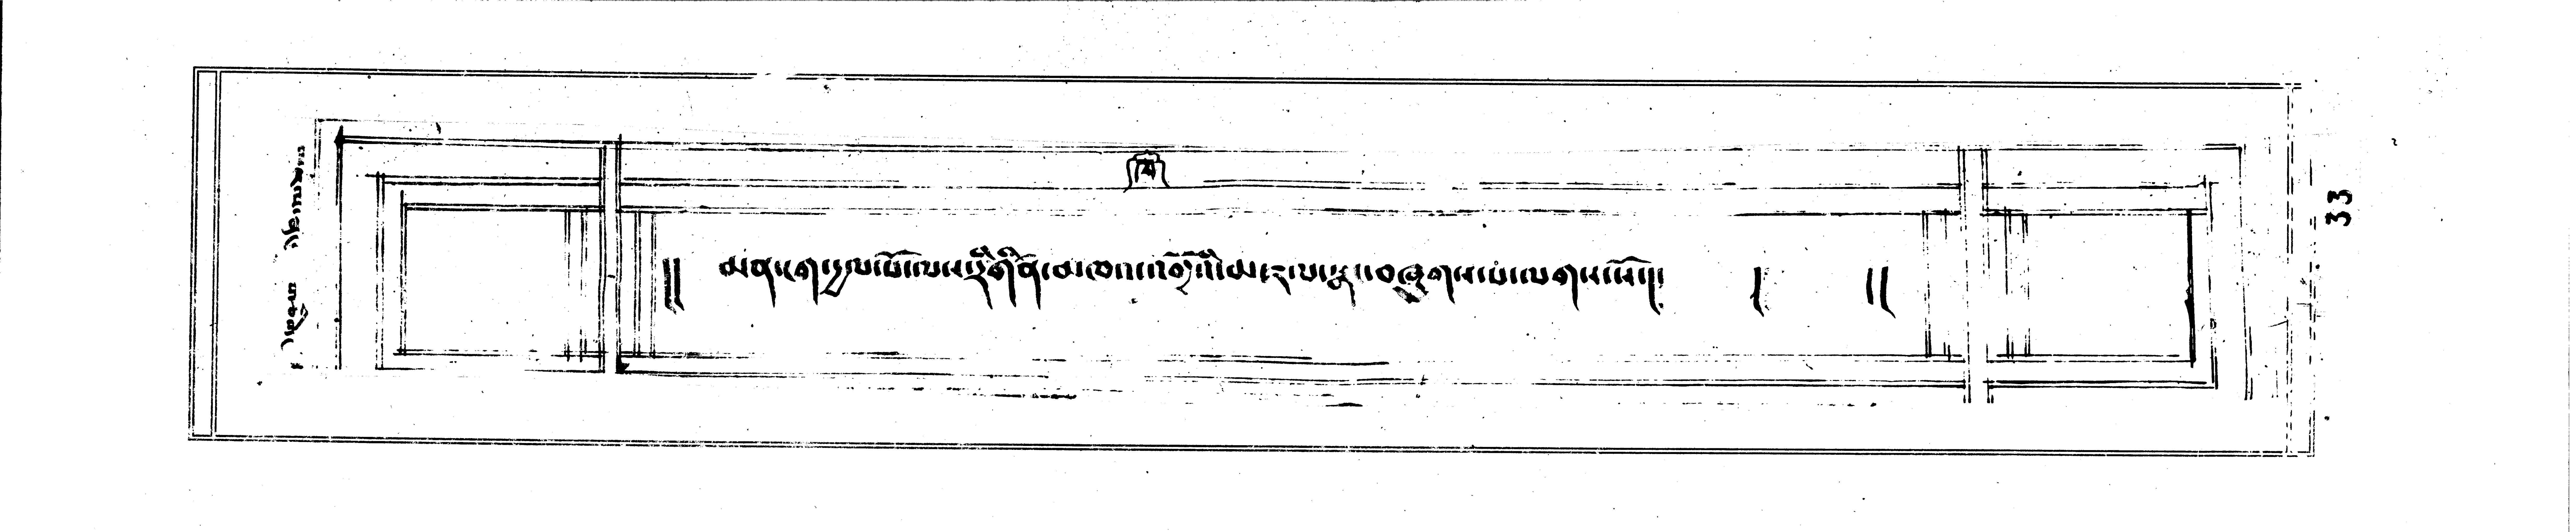།། མན་ངག་རྒྱལ་པོ་ལས་རིག་འཛིན་མཁའ་འགྲོའི་མཇལ་སྣང་བཞུགས་པ་ལགས་སོ། །།